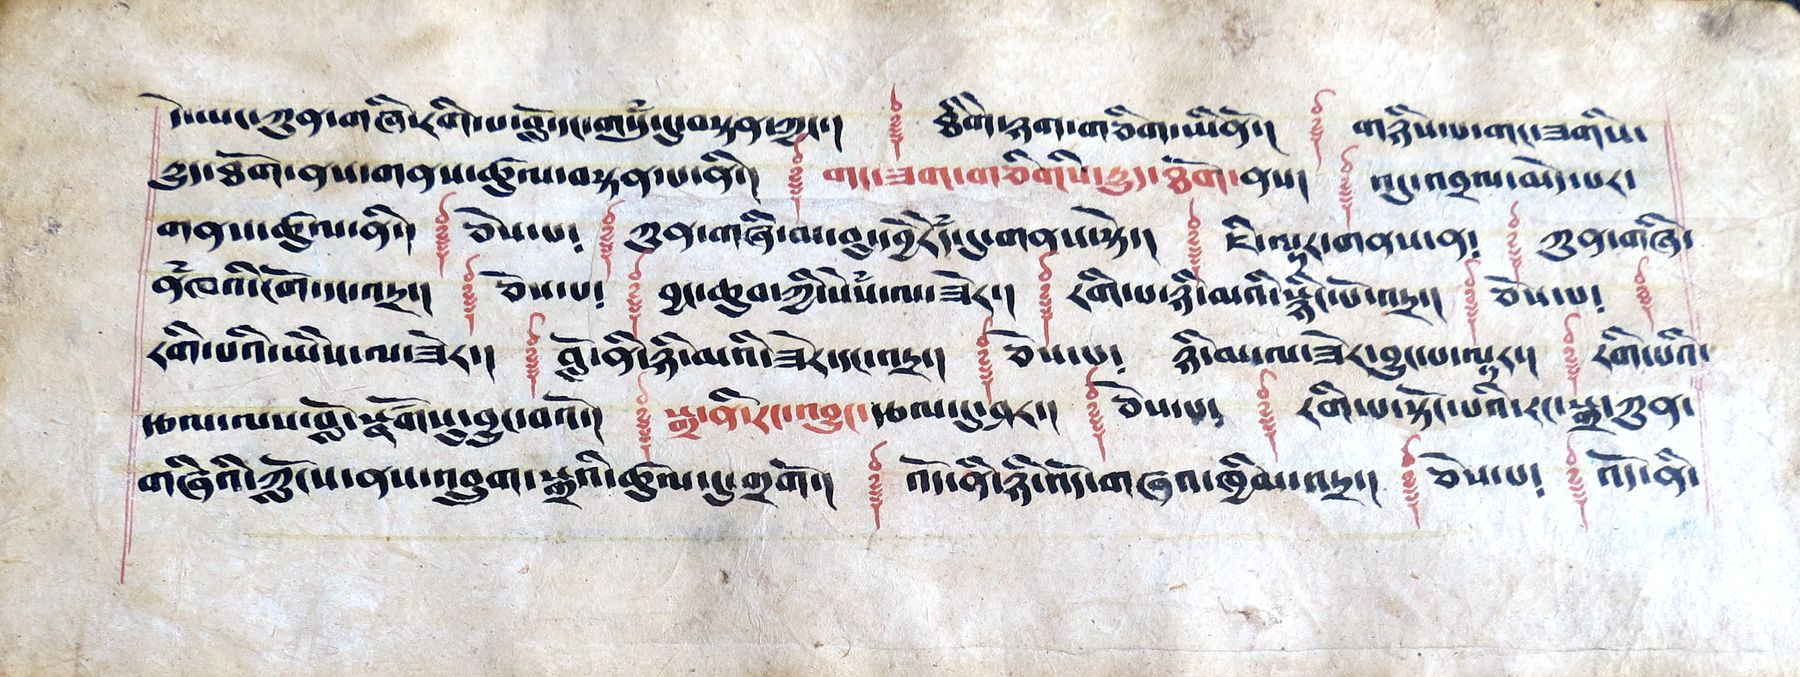དེ་ཡང་ཀུན་གཞི་རིག་པ་བློ་དང་གསུམ་དུ་བསྟན་ཀྱང་ཐིག་ལེ་ཉག་གཅིག་ཡིན་ནོ། །གཉིས་པ་གང་ཟག་གི་
རྒྱུད་ཐོག་ན་གནས་ཚུལ་བསྟན་པ་ནི། གང་ཟག་གཅིག་གི་རྒྱུད་ཐོག་ན། འདུ་འབྲལ་མེད་པར་
གནས་ཚུལ་ནི། །ཞེས་པས་ཀུན་གཞི་མ་བུ་དབྱེར་མེད་དུ་གནས་ཏེ། ཇི་ལྟར་གནས་ན་ཀུན་གཞི་
ནམ་མཁའི་ངོགས་དང་འདྲ། །ཞེས་པས་བྱང་ཆུབ་ཀྱི་སེམས་ལ་ཟེར། རིག་པ་ཉི་མའི་སྙིང་པོ་འདྲ། །ཞེས་པས་
རིག་པའི་ཡེ་ཤེས་ལ་ཟེར། བློ་ནི་ཉི་མའི་ཟེར་དང་འདྲ། །ཞེས་པས་ཉི་མ་ལ་ཟེར་བྱུང་བ་ལྟར། རིག་པའི་
རྩལ་ལས་བློ་སྣ་ཚོགས་སུ་བྱུང་བའོ། །སྒྲ་ནི་རང་འབྱུང་རྩལ་དུ་ཤར་ཞེས་པས། རིག་པ་སྟོང་པའི་རང་སྒྲ་ཀུན་
གཞིའི་ཀློང་ན་འབྲུག་སྒྲའི་ཚུལ་དུ་གྲག་གོ། འོད་ནི་ཉི་འོད་གཞའ་ཁྱིམ་འདྲ་ཞེས་པས། འོད་ནི་